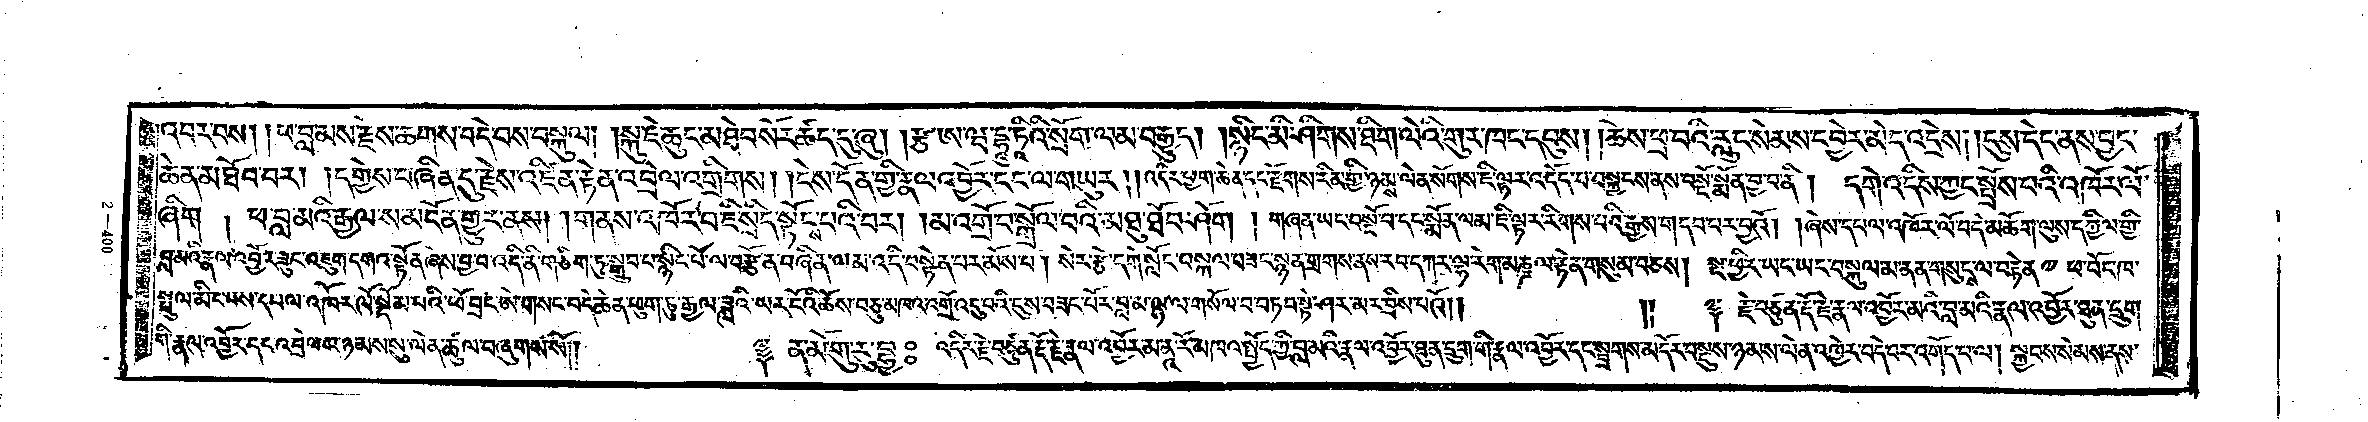འབར་བས། །ཕ་བླ་མས་རྗེས་ཆགས་བདེ་བས་བསྐུལ། །སྐུ་ཇེ་ཆུང་མཐེབ་སོར་ཚད་དུ་ཞུ། །རྩ་ཨ་ཝ་དྷཱུ་ཏཱིའི་སྲོག་ལམ་བརྒྱུད། །སྙིང་མི་ཤིགས་ཐིག་ལེའི་གུར་ཁང་དབུས། །ཆེས་ཕྲ་བའི་རླུང་སེམས་དབྱེར་མེད་འདྲེས༑ །དུས་དེང་ནས་བྱང་
ཆེན་མཐོབ་བར། ༑དགྱེས་བཞིན་དུ་རྗེས་འཛིན་རྟེན་འབྲེལ་འགྲིགས། །ངེས་དོན་གྱི་རྣལ་འབྱོར་དང་ལ་གཡུར། །འདིར་ཕྱག་ཆེན་དང་རྫོགས་རིམ་གྱི་ཉམས་ལེན་སོགས་ཇི་ལྟར་འདོད་པ་བསྐྱངས་ནས་བསྔོ་སྨོན་བྱ་བ་ནི།  དགེ་འདིས་ཀྱང་སྤྲོས་པའི་འཁོར་ལོ་
ཞིག །ཕ་བླ་མའི་རྒྱལ་ས་མངོན་གྱུར་ནས། །གནས་འཁོར་བ་ཇི་སྲིད་སྟོངས་པའི་བར། །མ་འགྲོ་བ་སྒྲོལ་བའི་མཐུ་ཐོབ་ཤོག །གཞན་ཡང་བསྔོ་བ་དང་སྨོན་ལམ་ཇི་ལྟར་རིགས་པའི་རྒྱས་གདབ་པར་བྱའོ། །ཞེས་དཔལ་འཁོར་ལོ་བདེ་མཆོག་ལུས་དཀྱིལ་གྱི་
བླ་མའི་རྣལ་འབྱོར་ཟུང་འཇུག་དགའ་སྟོན་ཞེས་བྱ་བ་འདི་ནི་གཅིག་ཏུ་སྒྲུབ་པ་སྙིང་པོ་ལ་བརྩོན་བཞིན་ལམ་འདི་བསྟེན་པར་མོས་པ་།སེར་རྩེ་དགེ་སློང་བསྐལ་བཟང་སྙན་གྲགས་ནས་རབ་དཀར་ལྷ་རེག་མཎྜལ་རྟེན་གསུམ་བཅས། སྔ་ཕྱིར་ཡང་ཡང་བསྐུལ་མ་ནན་གསུངས་ལ་བརྟེན ༧་ཕ་བོང་ཁ་
སྤྲུལ་མིང་པས་དཔལ་འཁོར་ལོ་སྡོམ་པའི་ཕོ་བྲང་ཨེ་གསང་བདེ་ཆེན་ཕུག་ཏུ་རྒྱལ་ཟླའི་ཡར་ངོའི་ཆོས་བཅུ་མཁའ་འགྲོ་འདུ་བའི་དུས་བཟང་པོར་བླ་མ་ལྷ་ལ་གསོལ་བ་བཏབ་སྟེ་ཤར་མར་བྲིས་པའོ།། །།༈ རྗེ་བཙུན་རྡོ་རྗེ་རྣལ་འབྱོར་མའི་བླ་མའི་རྣལ་འབྱོར་ཐུན་དྲུག་
གི་རྣལ་འབྱོར་དང་འབྲེལ་བ་ཉམས་སུ་ལེན་ཚུལ་བཞུགས་སོ།། ༈ ན་མོ་གུ་རུ་བྷྱཿའདིར་རྗེ་བཙུན་རྡོ་རྗེ་རྣལ་འབྱོར་མ་ནཱ་རོ་མཁའ་སྤྱོད་ཀྱི་བླ་མའི་རྣལ་འབྱོར་ཐུན་དྲུག་གི་རྣལ་འབྱོར་དང་སྦྲགས་མདོར་བསྡུས་ཉམས་ལེན་འཁྱེར་བདེ་བར་འགོད་པ་ལ། སྐྱབས་སེམས་ནས་